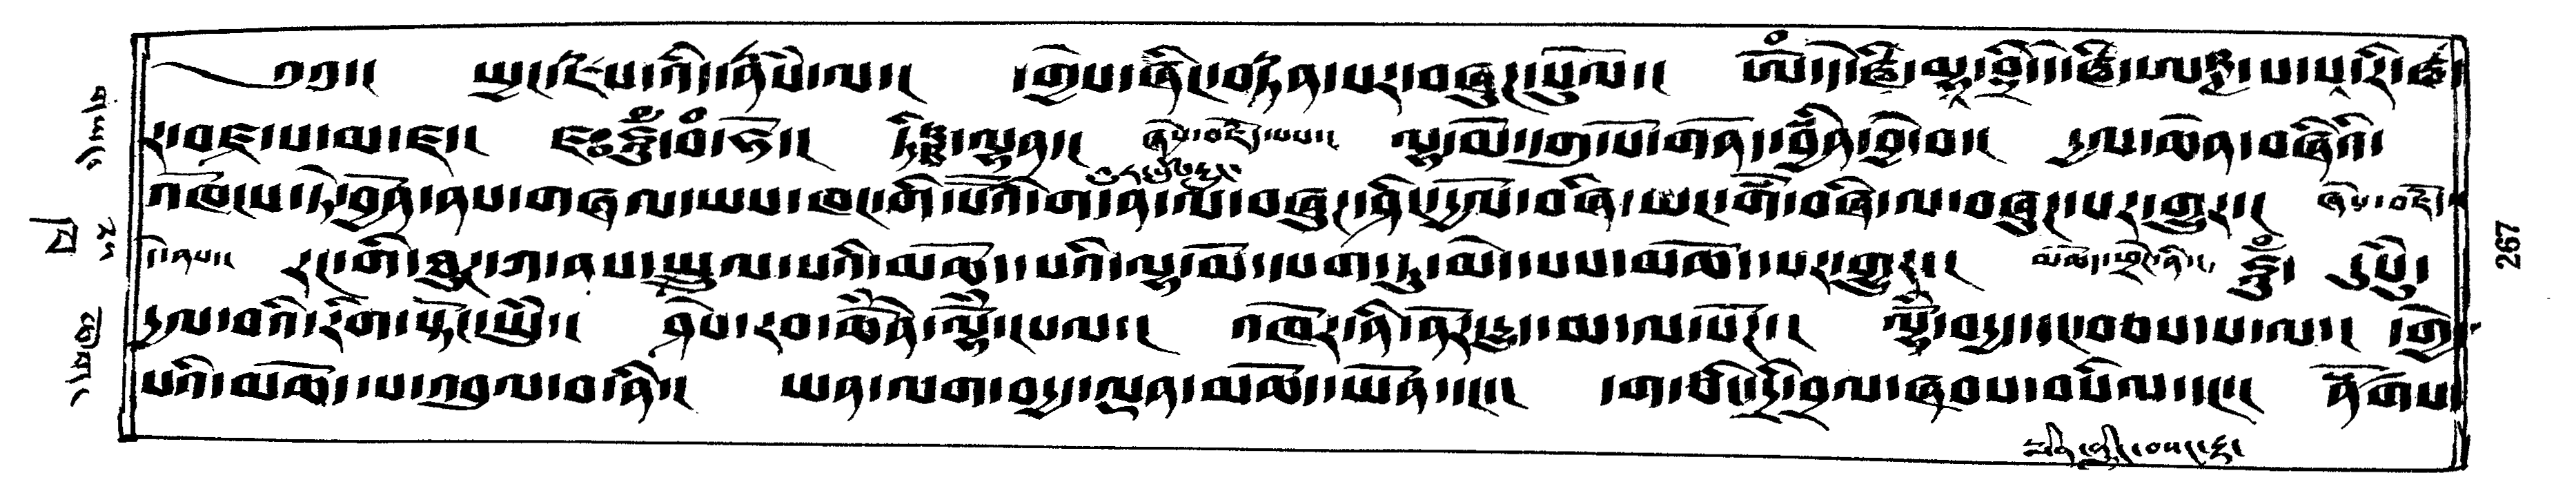གཡང་རྫས་འདི་རྣམས་ལ། །དགྱེས་ཞིང་བརྟན་པར་བཞུགས་སུ་གསོལ། །ཨོཾ་དེ་ཝི་མ་ཧཱ་བྷྲི་དེ་ཝི་ཀརྭ་ས་པཱ་རི་ཝ་
ར་བཛྲ་ས་མ་ཛ།ཛཿཧཱུྃ་བཾ་ཧོ། ཏིཥྛ་ལྷན། ཞེས་བརྗོད་པས། ལྷ་མོ་དགུ་པོ་གནོད་སྦྱིན་བྱེ་བ། །རྒྱལ་ཆེན་བཞིའི་
འཁོར་དང་བཅས་ཏེ་བྱོན་ནས་གཞལ་ཡས་ཁང་གི་སོ་སོའི་གདན་ལ་བཞུགས་ཤིང་རྒྱལ་པོ་བཞི་ཡང་སྒོ་བཞི་ལ་བཞུགས་པར་གྱུར། ཞེས་བརྗོད་
དེ་ནས། རང་གི་ཐུགས་ཀ་ནས་སྤྲུལ་པའི་མཆོད་པའི་ལྷ་མོ་དཔག་ཏུ་མེད་པས་མཆོད་པར་གྱུར། མཆོད་ཕྲེང་ནི། ཧཱུྃ། དུས་གསུམ་
རྒྱལ་བའི་རིག་སྟོང་ཡུམ། །ཤེས་རབ་ཆེན་པོ་ལྷ་མོ་དཔལ། །འཁོར་ནི་ནོར་རྒྱུད་མ་ལ་སོགས། །ལྷ་མོ་བརྒྱད་དང་བཅས་པ་ལ། །དགྱེས་
པའི་མཆོད་པ་འབུལ་བ་ནི། །ཡན་ལག་བརྒྱད་ལྡན་མཆོད་ཡོན་དང་། །དག་ཅིང་དྲི་བྲལ་ཞབས་བསིལ་དང་། །སྣ་ཚོགས་